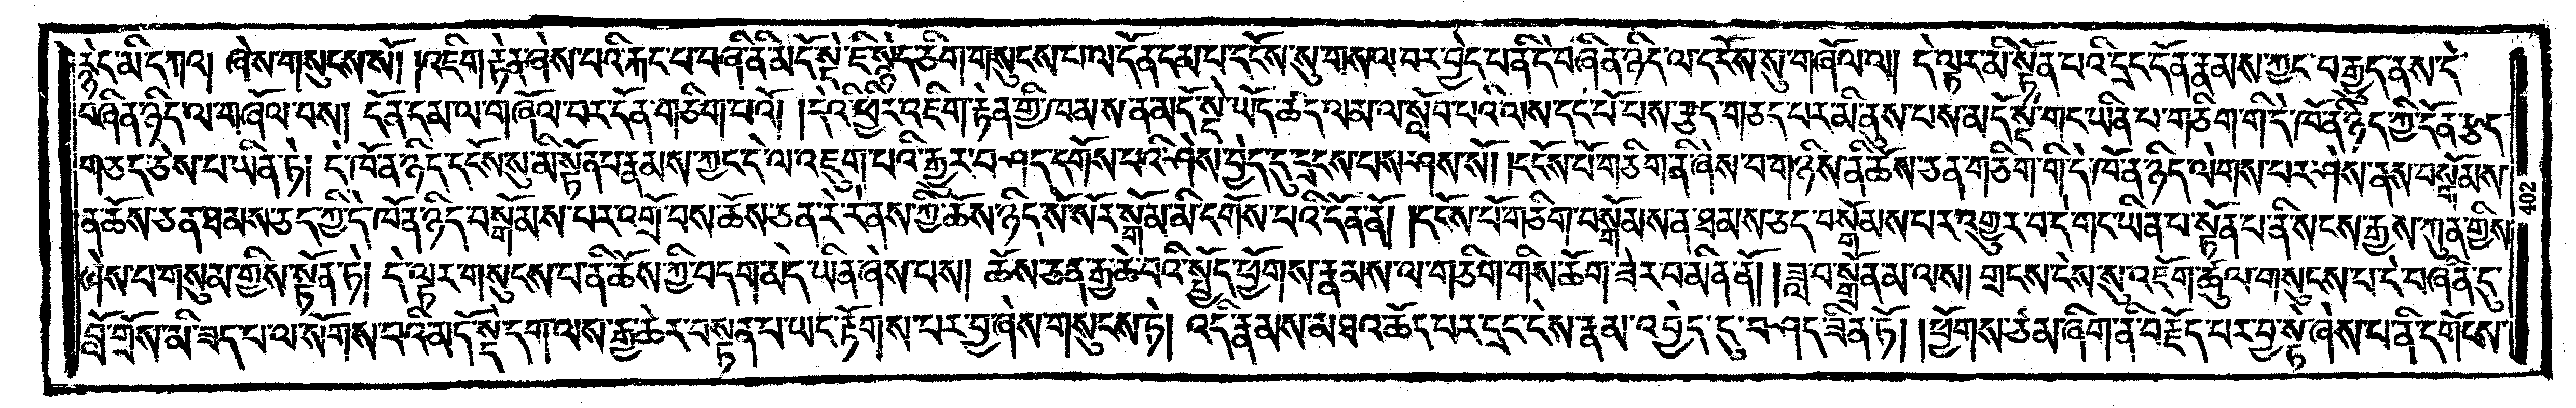རྙེད་མི་དཀའ། ཞེས་གསུངས་སོ། །འཇིག་རྟེན་ཞེས་པའི་རྐང་པ་བཞི་ནི་མདོ་སྡེ་ཇི་སྙེད་ཅིག་གསུངས་པ་ལ་དོན་དམ་པ་དངོས་སུ་གསལ་བར་བྱེད་པ་ནི་དེ་བཞིན་ཉིད་ལ་དངོས་སུ་གཞོལ་ལ། དེ་ལྟར་མི་སྟོན་པའི་དྲང་དོན་རྣམས་ཀྱང་བརྒྱུད་ནས་དེ་
བཞིན་ཉིད་ལ་གཞོལ་བས། དོན་དམ་ལ་གཞོལ་བར་དོན་གཅིག་པའོ། །དེའི་ཕྱིར་འཇིག་རྟེན་གྱི་ཁམས་ན་མདོ་སྡེ་ཡོད་ཚད་ལམ་ལ་སློབ་པའི་ལས་དང་པོ་པས་རྩད་གཅད་པར་མི་ནུས་པས་མདོ་སྡེ་གང་ཡིན་པ་གཅིག་གི་དེ་ཁོ་ན་ཉིད་ཀྱི་དོན་རྩད་
གཅད་ཅེས་པ་ཡིན་ཏེ། དེ་ཁོ་ན་ཉིད་དངོས་སུ་མི་སྟོན་པ་རྣམས་ཀྱང་དེ་ལ་འཇུག་པའི་རྒྱུར་བཤད་དགོས་པའི་ཤེས་བྱེད་དུ་དྲངས་པས་ཤེས་སོ། །དངོས་པོ་གཅིག་ནི་ཞེས་པ་གཉིས་ནི་ཆོས་ཅན་གཅིག་གི་དེ་ཁོ་ན་ཉིད་ལེགས་པར་ཤེས་ནས་བསྒོམས་
ན་ཆོས་ཅན་ཐམས་ཅད་ཀྱི་དེ་ཁོ་ན་ཉིད་བསྒོམས་པར་འགྲོ་བས་ཆོས་ཅན་རེ་རེ་ནས་ཀྱི་ཆོས་ཉིད་སོ་སོར་སྒོམ་མི་དགོས་པའི་དོན་ནོ། །དངོས་པོ་གཅིག་བསྒོམས་ན་ཐམས་ཅད་བསྒོམས་པར་འགྱུར་བ་དེ་གང་ཡིན་པ་སྟོན་པ་ནི་སངས་རྒྱས་ཀུན་གྱིས་
ཞེས་པ་གསུམ་གྱིས་སྟོན་ཏེ། དེ་ལྟར་གསུངས་པ་ནི་ཆོས་ཀྱི་བདག་མེད་ཡིན་ཞེས་པས། ཆོས་ཅན་རྒྱ་ཆེ་བའི་སྤྱོད་ཕྱོགས་རྣམས་ལ་གཅིག་གིས་ཆོག་ཟེར་བ་མིན་ནོ། །ཟླ་བ་སྒྲོན་མ་ལས། གྲངས་ངེས་སུ་འཇོག་ཚུལ་གསུངས་པ་དེ་བཞིན་དུ་
བློ་གྲོས་མི་ཟད་པ་ལ་སོགས་པའི་མདོ་སྡེ་དག་ལས་རྒྱ་ཆེར་བསྟན་པ་ཡང་རྟོགས་པར་བྱ་ཞེས་གསུངས་ཏེ། འདི་རྣམས་མཐའ་ཆོད་པར་དྲང་ངེས་རྣམ་འབྱེད་དུ་བཤད་ཟིན་ཏོ། །ཕྱོགས་ཙམ་ཞིག་ནི་བརྗོད་པར་བྱ་སྟེ་ཞེས་པ་ནི་དགོངས་